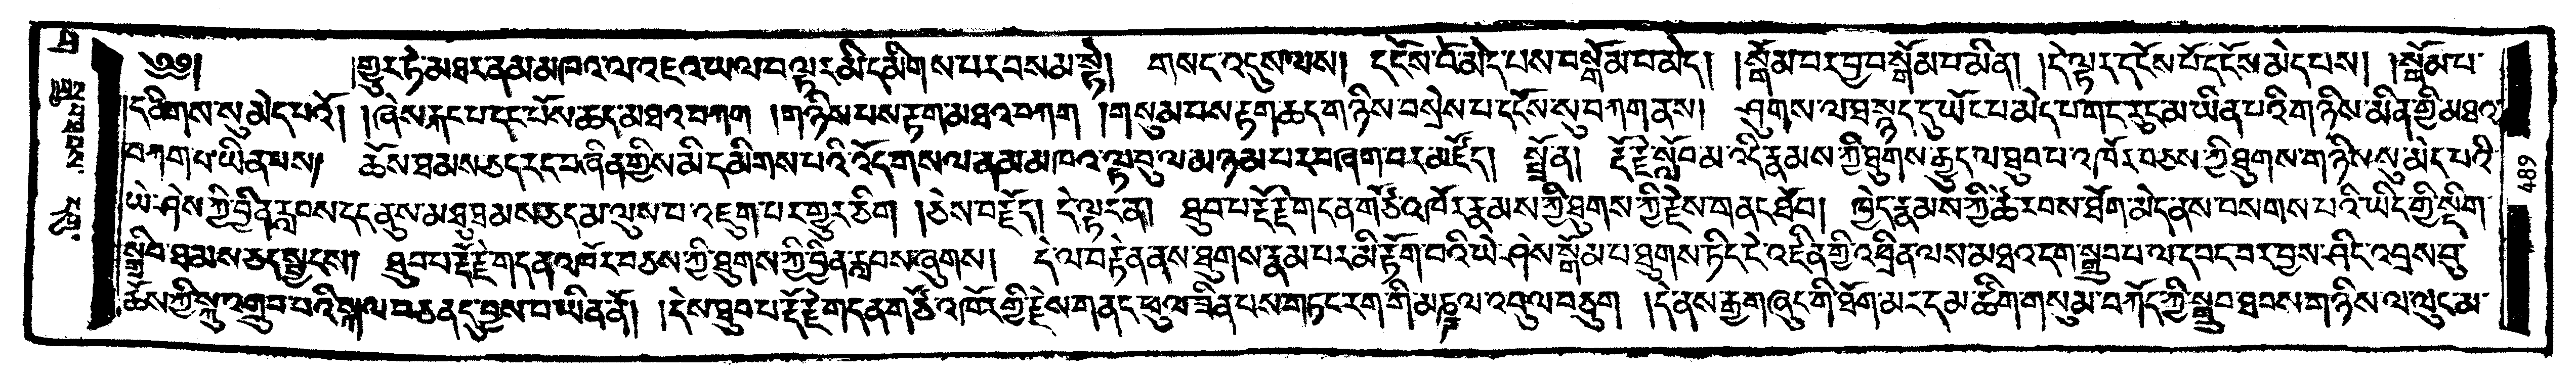༄༅། །གྱུར་ཏེ་མཐར་ནམ་མཁའ་ལ་འཇའ་ཡལ་བ་ལྟར་མི་དམིགས་པར་བསམ་སྟེ། གསང་འདུས་ལས། དངོས་པོ་མེད་པས་བསྒོམ་པ་མེད། །སྒོམ་པར་བྱ་བ་སྒོམ་པ་མིན། །དེ་ལྟར་དངོས་པོ་དངོས་མེད་པས། །སྒོམ་པ་
དམིགས་སུ་མེད་པའོ། །ཞེས་རྐང་པ་དང་པོས་ཆད་མཐའ་བཀག །གཉིས་པས་རྟག་མཐའ་བཀག །གསུམ་པས་རྟག་ཆད་གཉིས་བསྲེས་པ་དངོས་སུ་བཀག་ནས། ཤུགས་ལ་ཐ་སྙད་དུ་ཡོད་པ་མེད་པ་གང་རུང་མ་ཡིན་པའི་གཉིས་མིན་གྱི་མཐའ་
བཀག་པ་ཡིན་པས། ཆོས་ཐམས་ཅད་རང་བཞིན་གྱིས་མི་དམིགས་པའི་འོད་གསལ་ནམ་མཁའ་ལྟ་བུ་ལ་མཉམ་པར་བཞག་བར་མཛོད། སྤྲོ་ན། རྡོ་རྗེ་སློབ་མ་འདི་རྣམས་ཀྱི་ཐུགས་རྒྱུད་ལ་ཐུབ་པ་འཁོར་བཅས་ཀྱི་ཐུགས་གཉིས་སུ་མེད་པའི་
ཡེ་ཤེས་ཀྱི་བྱིན་རླབས་དང་ནུས་མཐུ་ཐམས་ཅད་མ་ལུས་པ་འཇུག་པར་གྱུར་ཅིག །ཅེས་བརྗོད། དེ་ལྟར་ན། ཐུབ་པ་རྡོ་རྗེ་གདན་གཙོ་འཁོར་རྣམས་ཀྱི་ཐུགས་ཀྱི་རྗེས་གནང་ཐོབ། ཁྱེད་རྣམས་ཀྱི་ཚེ་རབས་ཐོག་མེད་ནས་བསགས་པའི་ཡིད་གྱི་སྡིག་
སྒྲིབ་ཐམས་ཅད་སྦྱངས། ཐུབ་པ་རྡོ་རྗེ་གདན་འཁོར་བཅས་ཀྱི་ཐུགས་ཀྱི་བྱིན་རླབས་ཞུགས། དེ་ལ་བརྟེན་ནས་ཐུགས་རྣམ་པར་མི་རྟོག་པའི་ཡེ་ཤེས་སྒོམ་པ་ཐུགས་ཏིང་ངེ་འཛིན་གྱི་འཕྲིན་ལས་མཐའ་དག་སྒྲུབ་པ་ལ་དབང་བར་བྱས་ཤིང་འབྲས་བུ་
ཆོས་ཀྱི་སྐུ་འགྲུབ་པའི་སྐལ་བ་ཅན་དུ་བྱས་བ་ཡིན་ནོ། །དེས་ཐུབ་པ་རྡོ་རྗེ་གདན་གཙོ་འཁོར་གྱི་རྗེས་གནང་ཕུལ་ཟིན་པས་གཏང་རག་གི་མཎྜལ་འབུལ་བཅུག །དེ་ནས་རྒྱ་གཞུང་གི་ཐོག་མར་དམ་ཚིག་གསུམ་བཀོད་ཀྱི་སྒྲུབ་ཐབས་གཉིས་ལ་ལུང་མ་